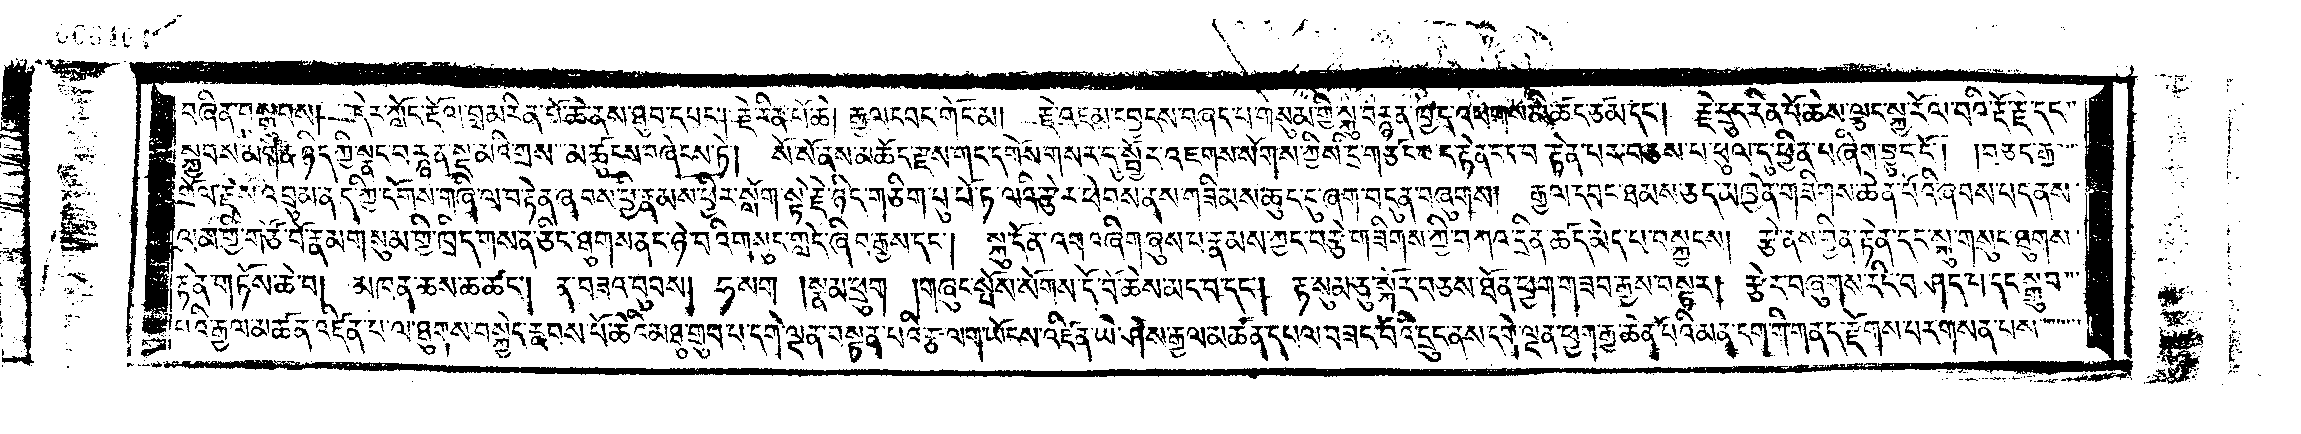བཞིན་བསྒྲུབས། དེར་ཀློང་རྡོལ་བླ་མ་རིན་པོ་ཆེ་ནས་ཐུབ་དབང་། རྗེ་རིན་པོ་ཆེ། རྒྱལ་དབང་གོང་མ། རྗེ་འཇམ་དབྱངས་བཞད་པ་གསུམ་གྱི་སྐུ་བརྙན་ཁྱད་འཕགས་མི་ཚད་ཙམ་དང་། རྗེ་དྲུང་རིན་པོ་ཆེས་ལྕང་སྐྱ་རོལ་པའི་རྡོ་རྗེ་དང་།
སྐྱབས་མགོན་ཉིད་ཀྱི་སྣང་བརྙན་སྔ་མའི་གྲས་མཚུངས་བཞེངས་ཏེ། སོ་སོ་ནས་མཆོད་རྫས་གང་དགོས་གསར་དུ་སྦྱོར་འཇགས་སོགས་ཀྱིས་དྲི་གཙང་ཁང་རྟེན་དང་བརྟེན་པར་བཅས་པ་ཕུལ་དུ་ཕྱིན་པ་ཞིག་བྱུང་ངོ། །བཅད་རྒྱ་
གྲོལ་རྗེས་འབྲུམ་ནང་ཀྱི་དོགས་གཞི་ལ་བརྟེན་ཞབས་ཕྱི་རྣམས་ཕྱིར་སློག་སྟེ་རྗེ་ཉིད་གཅིག་པུ་པོ་ཏ་ལའི་རྩེར་ཕེབས་ནས་གཟིམས་ཆུང་དུ་ཞག་བདུན་བཞུགས། རྒྱལ་དབང་ཐམས་ཅད་མཁྱེན་གཟིགས་ཆེན་པོའི་ཞབས་པད་ནས་
ལམ་གྱི་གཙོ་བོ་རྣམ་གསུམ་གྱི་ཁྲིད་གསན་ཅིང་ཐུགས་ནང་ཉེ་བའི་གསུང་གླེང་ཞིབ་རྒྱས་དང་། སྐུ་དོན་འགའ་ཞིག་ཞུས་པ་རྣམས་ཀྱང་བརྩེ་གཟིགས་ཀྱི་བཀའ་དྲིན་ཚད་མེད་པ་བསྐྱངས། རྩེ་ནས་བྱིན་རྟེན་དང་སྐུ་གསུང་ཐུགས་
རྟེན་གཏོས་ཆེ་བ། མཁན་ཆས་ཆ་ཚང་། ན་བཟའ་བུབས། ཧ་སག །སྣམ་ཕྲུག །གཞུང་སྤོས་སོགས་ངོ་བོ་ཆེས་མང་བ་དང་། རྟ་སུམ་ཅུ་སྐོར་བཅས་ཐོན་ཕྱག་གཟབ་རྒྱས་བསྟར། རྩེར་བཞུགས་རིང་བཤད་པ་དང་སྒྲུབ་
པའི་རྒྱལ་མཚན་འཛིན་པ་ལ་ཐུགས་བསྐྱེད་རླབས་པོ་ཆེའི་མཐུ་གྲུབ་པ་དགེ་ལྡན་བསྟན་པའི་རྩ་ལག་ཡོངས་འཛིན་ཡེ་ཤེས་རྒྱལ་མཚན་དཔལ་བཟང་པོའི་དྲུང་ནས་དགེ་ལྡན་ཕྱག་རྒྱ་ཆེན་པོའི་མན་ངག་གི་གནད་རྫོགས་པར་གསན་པས་